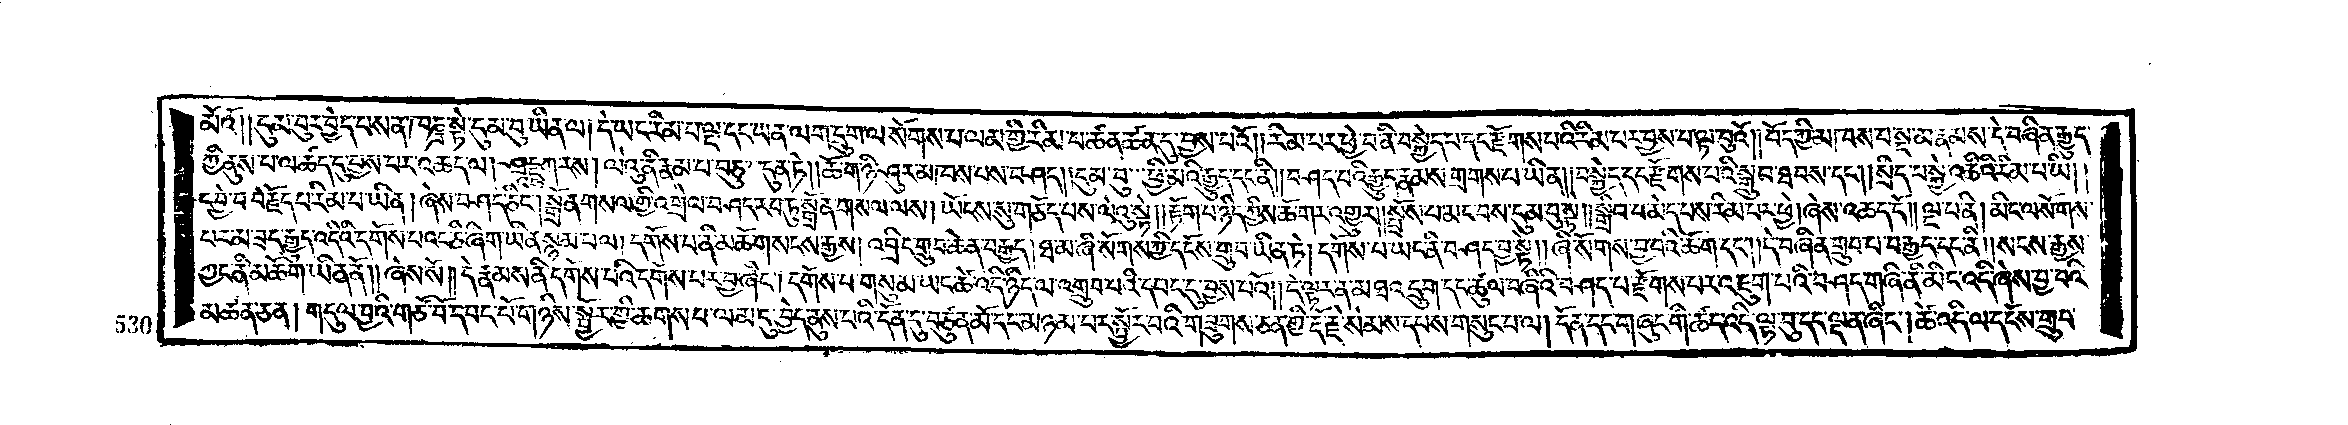མོའོ། །དུམ་བུར་བྱེད་པས་ན་ཁཎྜ་སྟེ་དུམ་བུ་ཡིན་ལ། དེ་ཡང་རིམ་པ་ལྔ་དང་ཡན་ལག་དྲུག་ལ་སོགས་པ་ལམ་གྱི་རིམ་པ་ཚན་ཚན་དུ་བྱས་པའོ། །རིམ་པར་ཕྱེ་བ་ནི་བསྐྱེད་པ་དང་རྫོགས་པའི་རིམ་པར་བྱས་པ་ལྟ་བུའོ། །བོད་ཀྱི་མཁས་པ་སྔ་མ་རྣམས་དེ་བཞིན་རྒྱུད་
ཀྱི་ནུས་པ་ལ་ཚད་དུ་བྱས་པར་འཆད་ལ། ཤྲཱདྡྷཀ་རས། ལེའུ་ནི་རྣམ་པ་བཅུ་བདུན་ཏེ། །ཆོ་ག་ཉི་ཤུར་མཁས་པས་བཤད། །དུམ་བུ་ཕྱི་མའི་རྒྱུད་དང་ནི། །བཤད་པའི་རྒྱུད་རྣམས་གྲགས་པ་ཡིན། །བསྐྱེད་དང་རྫོགས་པའི་སྒྲུབ་ཐབས་དང་། །སྲིད་པ་སྐྱེ་འཆིའི་རིམ་པ་ཡི། །
དབྱེ་བ་བརྗོད་པ་རིམ་པ་ཡིན། ཞེས་བཤད་ཅིང་། སྒྲོན་གསལ་གྱི་འགྲེལ་བཤད་རབ་ཏུ་སྒྲོན་གསལ་ལས། ཡོངས་སུ་གཅོད་པས་ལེའུ་སྟེ། །རྟོག་པ་ཉིད་ཀྱིས་ཆོ་གར་འགྱུར། །སྤྲོས་པ་མང་བས་དུམ་བུ་སྟེ། །སྒྲིབ་པ་མེད་པས་རིམ་པར་ཕྱེ། ཞེས་འཆད་དོ། །ལྔ་པ་ནི། མིང་ལ་སོགས་
པར་མ་ཟད་རྒྱུད་འདིའི་དགོས་པའང་ཅི་ཞིག་ཡིན་སྙམ་པ་ལ། དགོས་པ་ནི་མཆོག་སངས་རྒྱས། འབྲིང་གྲུབ་ཆེན་བརྒྱད། ཐ་མ་ཞི་སོགས་ཀྱི་དངོས་གྲུབ་ཡིན་ཏེ། དགོས་པ་ཡང་ནི་བཤད་བྱ་སྟེ། །ཞི་སོགས་བྱ་བའི་ཆོ་ག་དང་། །དེ་བཞིན་གྲུབ་པ་བརྒྱད་དང་ནི། །སངས་རྒྱས་
ཀྱང་ནི་མཆོག་ཡིན་ནོ། །ཞེས་སོ། །དེ་རྣམས་ནི་དགོས་པའི་དགོས་པར་བྱ་ཞིང་། དགོས་པ་གསུམ་ཡང་ཚེ་འདི་ཉིད་ལ་འགྲུབ་པའི་དབང་དུ་བྱས་པའོ། །དེ་ལྟར་ན་མཐའ་དྲུག་དང་ཚུལ་བཞིའི་བཤད་པ་རྫོགས་པར་འཇུག་པའི་བཤད་གཞི་ནི་མིང་འདི་ཞེས་བྱ་བའི་
མཚན་ཅན། གདུལ་བྱའི་གཙོ་བོ་དབང་པོ་གཉིས་སྦྱོར་གྱི་ཆགས་པ་ལམ་དུ་བྱེད་ནུས་པའི་དོན་དུ་བཙུན་མོ་དང་མཉམ་པར་སྦྱོར་བའི་གཟུགས་ཅན་གྱི་རྡོ་རྗེ་སེམས་དཔས་གསུང་པ་ལ། དོན་དང་གཞུང་གི་ཚད་འདི་ལྟ་བུ་དང་ལྡན་ཞིང་། ཚེ་འདི་ལ་དངོས་གྲུབ་